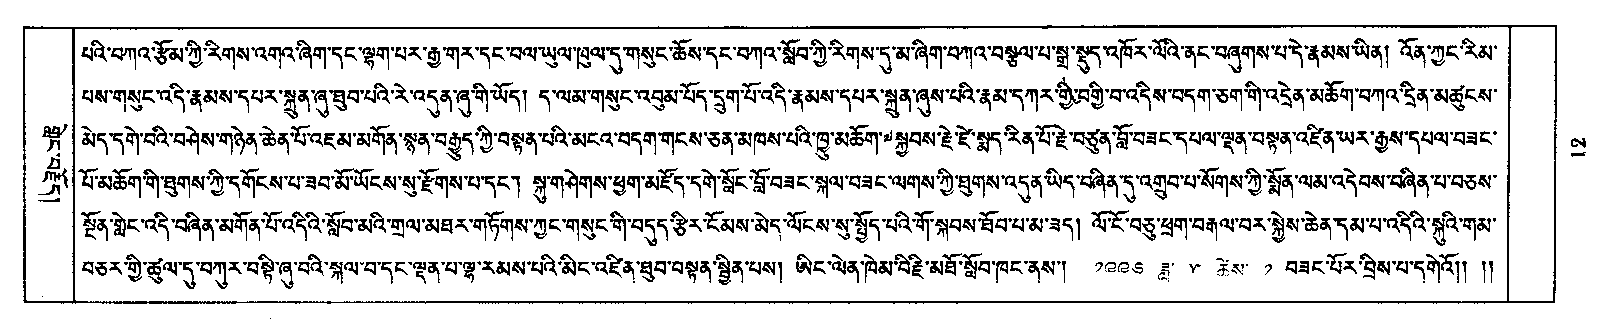པའི་བཀའ་རྩོམ་ཀྱི་རིགས་འགའ་ཞིག་དང་ལྷག་པར་རྒྱ་གར་དང་བལ་ཡུལ་ཁུལ་དུ་གསུང་ཆོས་དང་བཀའ་སློབ་ཀྱི་རིགས་དུ་མ་ཞིག་བཀའ་བསྩལ་པ་སྒྲ་སྡུད་འཁོར་ལོའི་ནང་བཞུགས་པ་དེ་རྣམས་ཡིན། འོན་ཀྱང་རིམ་
པས་གསུང་འདི་རྣམས་དཔར་སྐྲུན་ཞུ་ཐུབ་པའི་རེ་འདུན་ཞུ་གི་ཡོད། ད་ལམ་གསུང་འབུམ་པོད་དྲུག་པོ་འདི་རྣམས་དཔར་སྐྲུན་ཞུས་པའི་རྣམ་དཀར་གྱི་བགྱི་བ་འདིས་བདག་ཅག་གི་འདྲེན་མཆོག་བཀའ་དྲིན་མཚུངས་
མེད་དགེ་བའི་བཤེས་གཉེན་ཆེན་པོ་འཇམ་མགོན་སྙན་བརྒྱུད་ཀྱི་བསྟན་པའི་མངའ་བདག་གངས་ཅན་མཁས་པའི་ཁྱུ་མཆོག་༧་སྐྱབས་རྗེ་ཛེ་སྨད་རིན་པོ་རྗེ་བཙུན་བློ་བཟང་དཔལ་ལྡན་བསྟན་འཛིན་ཡར་རྒྱས་དཔལ་བཟང་
པོ་མཆོག་གི་ཐུགས་ཀྱི་དགོངས་པ་ཟབ་མོ་ཡོངས་སུ་རྫོགས་པ་དང་། སྐུ་གཤེགས་ཕྱག་མཛོད་དགེ་སློང་བློ་བཟང་སྐལ་བཟང་ལགས་ཀྱི་ཐུགས་འདུན་ཡིད་བཞིན་དུ་འགྲུབ་པ་སོགས་ཀྱི་སྨོན་ལམ་འདེབས་བཞིན་པ་བཅས་
སྔོན་གླེང་འདི་བཞིན་མགོན་པོ་འདིའི་སློབ་མའི་གྲལ་མཐར་གཏོགས་ཀྱང་གསུང་གི་བདུད་རྩིར་ངོམས་མེད་ལོངས་སུ་སྤྱོད་པའི་གོ་སྐབས་ཐོབ་པ་མ་ཟད། ལོ་ངོ་བཅུ་ཕྲག་བརྒལ་བར་སྐྱེས་ཆེན་དམ་པ་འདིའི་སྐུའི་གམ་
བཅར་གྱི་ཚུལ་དུ་བཀུར་བསྟི་ཞུ་བའི་སྐལ་བ་དང་ལྡན་པ་ལྷ་རམས་པའི་མིང་འཛིན་ཐུབ་བསྟན་སྦྱིན་པས། ཨིང་ལེན་ཁེམ་བི་རྫི་མཐོ་སློབ་ཁང་ནས། ༡༩༩༦་ཟླ ༥་ཚེས ༡་བཟང་པོར་བྲིས་པ་དགེའོ།། །།